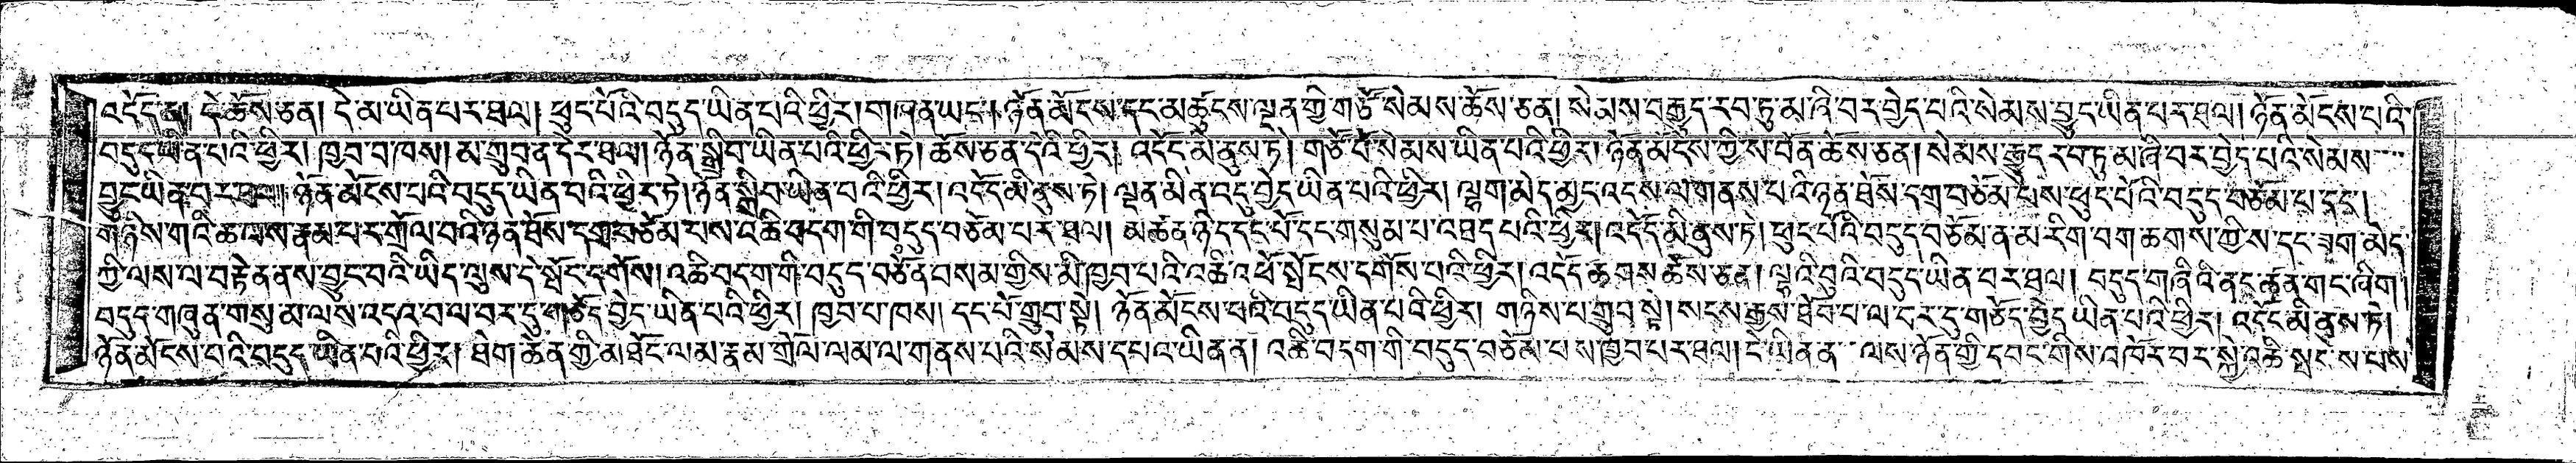འདོད་ན། དེ་ཆོས་ཅན། དེ་མ་ཡིན་པར་ཐལ། ཕུང་པོའི་བདུད་ཡིན་པའི་ཕྱིར། གཞན་ཡང་། ཉོན་མོངས་དང་མཚུངས་ལྡན་གྱི་གཙོ་སེམས་ཆོས་ཅན། སེམས་བརྒྱུད་རབ་ཏུ་མ་ཞི་བར་བྱེད་པའི་སེམས་བྱུང་ཡིན་པར་ཐལ། ཉོན་མོངས་པའི་
བདུད་ཡིན་པའི་ཕྱིར། ཁྱབ་བ་ཁས། མ་གྲུབ་ན་དེར་ཐལ། ཉོན་སྒྲིབ་ཡིན་པའི་ཕྱིར་ཏེ། ཆོས་ཅན་དེའི་ཕྱིར། འདོད་མི་ནུས་ཏེ། གཙོ་བོ་སེམས་ཡིན་པའི་ཕྱིར། ཉོན་མོངས་ཀྱི་ས་བོན་ཆོས་ཅན། སེམས་རྒྱུད་རབ་ཏུ་མ་ཞི་བར་བྱེད་པའི་སེམས་
བྱུང་ཡིན་པར་ཐལ། ཉོན་མོངས་པའི་བདུད་ཡིན་པའི་ཕྱིར་ཏེ། ཉོན་སྒྲིབ་ཡིན་པའི་ཕྱིར། འདོད་མི་ནུས་ཏེ། ལྡན་མིན་འདུ་བྱེད་ཡིན་པའི་ཕྱིར། ལྷག་མེད་མྱང་འདས་ལ་གནས་པའི་ཉན་ཐོས་དགྲ་བཅོམ་པས་ཕུང་པོའི་བདུད་བཅོམ་པ་དང་།
གཉིས་གའི་ཆ་ལས་རྣམ་པར་གྲོལ་བའི་ཉན་ཐོས་དགྲ་བཅོམ་པས་འཆི་བདག་གི་བདུད་བཅོམ་པར་ཐལ། མཚན་ཉིད་དང་པོ་དང་གསུམ་པ་འཐད་པའི་ཕྱིར། འདོད་མི་ནུས་ཏེ། ཕུང་པོའི་བདུད་བཅོམ་ན་མ་རིག་བག་ཆགས་ཀྱི་ས་དང་ཟག་མེད་
ཀྱི་ལས་ལ་བརྟེན་ནས་བྱུང་བའི་ཡིད་ལུས་དེ་སྤོང་དགོས། འཆི་བདག་གི་བདུད་བཅོཾ་ན་བསམ་གྱིས་མི་ཁྱབ་པའི་འཆི་འཕོ་སྤོངས་དགོས་པའི་ཕྱིར། འདོད་ཆགས་ཆོས་ཅན། ལྷའི་བུའི་བདུད་ཡིན་པར་ཐལ། བདུད་གཞིའི་ནང་མཚན་གང་ཞིག །
བདུད་གཞུན་གསུམ་ལས་འདའ་བ་ལ་བར་དུ་གཅོད་བྱེད་ཡིན་པའི་ཕྱིར། ཁྱབ་པ་ཁས། དང་པོ་གྲུབ་སྟེ། ཉོན་མོངས་པའི་བདུད་ཡིན་པའི་ཕྱིར། གཉིས་པ་གྲུབ་སྟེ། སངས་རྒྱས་ཐོབ་པ་ལ་བར་དུ་གཅོད་བྱེད་ཡིན་པའི་ཕྱིར། འདོད་མི་ནུས་ཏེ།
ཉོན་མོངས་པའི་བདུད་ཡིན་པའི་ཕྱིར། ཐེག་ཆེན་གྱི་མཐོང་ལམ་རྣམ་གྲོལ་ལམ་ལ་གནས་པའི་སེམས་དཔའ་ཡིན་ན། འཆི་བདག་གི་བདུད་བཅོམ་པས་ཁྱབ་པར་ཐལ། དེ་ཡིན་ན་ལས་ཉོན་གྱི་དབང་གིས་འཁོར་བར་སྐྱེ་འཆི་སྤངས་པས་